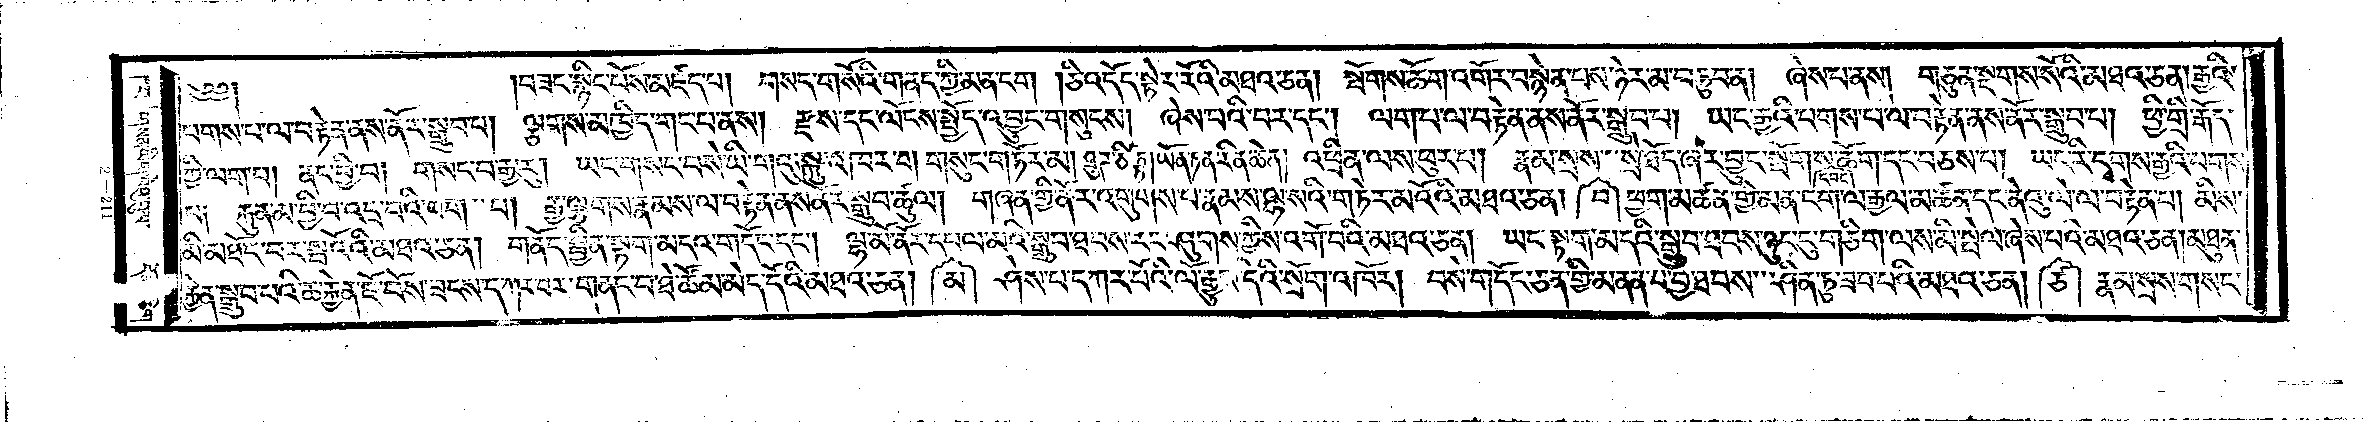༄༅། །བཟང་སྙིང་པོས་མཛད་པ། གསད་གསོའི་གནད་ཀྱི་མན་ངག །ཅི་འདོད་སྟེར་རོའི་མཐའ་ཅན། སྤོགས་ཆོག་འགོར་བསྙེན་པས་ཉེར་མ་བཏུབ་ན། ཞེས་པ་ནས། གཅུན་སྔགས་སོའི་མཐའ་ཅན། རྒྱའི་
པགས་པ་ལ་བརྟེན་ནས་ནོར་སྒྲུབ་པ། ལྕགས་མཁྱིད་གང་པ་ནས། རྫས་དང་ལོངས་སྤྱོད་འབྱུང་གསུངས། ཞེས་པའི་བར་དང་། ལག་པ་ལ་བརྟེན་ནས་ནོར་སྒྲུབ་པ། ཡང་རྒྱའི་པགས་པ་ལ་བརྟེན་ནས་ནོར་སྒྲུབ་པ། ཕྱི་གྲི་རྒོད་
ཀྱི་ལག་པ། ནང་བྱི་བ། གསང་བ་རྒྱ་རུ། ཡང་གསང་བསེ་ཡི་གའུ་སྐུ་འཁར་བ། གསུང་གཏོར་མ། ཐུཌ་ཙིཏྟ། ཡོན་ཏན་རིན་ཆེན། འཕྲིན་ལས་ཕུར་པ། རྣམ་སྲས་སྲེ་ཐོད་ཞེར་བྱུང་སྤོགས་ཆོག་དང་བཅས་པ། ཡང་རི་དྭགས་རྒྱའི་པགས་
པ༑ རྐུན་མ་བྱི་བ་འདྲ་བའི་པགས་པ། རྒྱ་ལྕགས་རྣམས་ལ་བརྟེན་ནས་ནོར་སྒྲུབ་ཚུལ། གཞན་གྱི་ནོར་འགུགས་པ་རྣམས་ལྷ་སའི་གཏེར་མའི་མཐའ་ཅན། ༼བ༽ ཕྱག་མཚན་གྱི་མན་ངག་ལ་རྒྱལ་མཚན་དང་ནེའུ་ལེ་ལ་བརྟེན་པ། མིས་
མི་མཐོང་བར་སྤའོའི་མཐའ་ཅན། གནོད་སྦྱིན་སྟག་མདའ་གདོང་དང་། ལྷ་མོ་ནོར་དཔལ་མའི་སྒྲུབ་ཐབས་རང་ཤུགས་ཀྱིས་འགོ་བའི་མཐའ་ཅན། ཡང་སྟག་མདའི་སྒྲུབ་ཐབས་ཉུང་ངུ་གཅིག་ལས་མི་སྤེལ་ཞེས་པའི་མཐའ་ཅན། མཐུན་
རྐྱེན་སྒྲུབ་པའི་ཆ་རྐྱེན་ཇོ་བོས་ཟངས་དཀར་བར་གནང་བ་ཐེ་ཚོམ་མེད་དོའི་མཐའ་ཅན། ༼མ༽ ཤེས་པ་དཀར་པོའི་ལོ་རྒྱུས་དེའི་སྲོག་འཁོར། བསེ་གདོང་ཅན་གྱི་མནན་པ་བྱ་ཐབས་ཤིན་ཏུ་ཟབ་པའི་མཐའ་ཅན། ༼ཙ༽ རྣམ་སྲས་གསང་